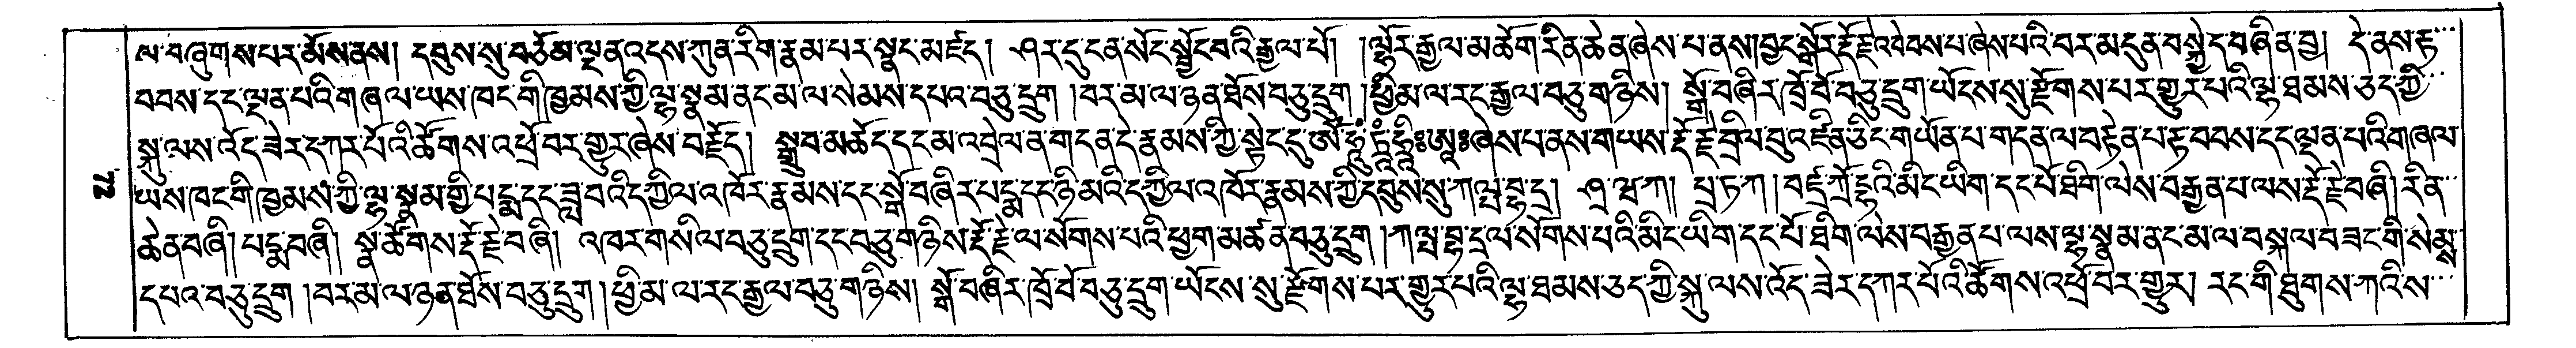ལ་བཞུགས་པར་མོས་ནས། དབུས་སུ་བཅོམ་ལྡན་འདས་ཀུན་རིག་རྣམ་པར་སྣང་མཛད། ཤར་དུ་ངན་སོང་སྦྱོང་བའི་རྒྱལ་བོ། །ལྷོར་རྒྱལ་མཆོག་རིན་ཆེན་ཞེས་པ་ནས། བྱང་སྒོར་རྡོ་རྗེ་འབེབས་པ་ཞེས་པའི་བར་མདུན་བསྐྱེད་བཞིན་བྱ། དེ་ནས་རྟ་
བབས་དང་ལྡན་པའི་གཞལ་ཡས་ཁང་གི་ཁྱམས་ཀྱི་ལྷ་སྣམ་ནང་མ་ལ་སེམས་དཔའ་བཅུ་དྲུག །བར་མ་ལ་ཉན་ཐོས་བཅུ་དྲུག །ཕྱི་མ་ལ་རང་རྒྱལ་བཅུ་གཉིས། སྒོ་བཞིར་ཁྲོ་བོ་བཅུ་དྲུག་ཡོངས་སུ་རྫོགས་པར་གྱུར་པའི་ལྷ་ཐམས་ཅད་ཀྱི་
སྐུ་ལས་འོད་ཟེར་དཀར་པོའི་ཚོགས་འཕྲོ་བར་གྱུར་ཞེས་བརྗོད་སྒྲུབ་མཆོད་དང་མ་འབྲེལ་ན་གདན་དེ་རྣམས་ཀྱི་སྟེང་དུ་ཨོཾ་ཧཱུཾ་ཏྲཱཾ་ཧྲཱིཿཨཱཿཞེས་བ་ནས་གཡས་རྡོ་རྗེ་དྲིལ་བུ་འཛིན་ཅིང་གཡོན་པ་གདན་ལ་བརྟེན་པ་རྟ་བབས་དང་ལྡན་པའི་གཞལ་
ཡས་ཁང་གི་ཁྱམས་ཀྱི་ལྷ་སྣམ་གྱི་པདམ་དང་ཟླ་བའི་དཀྱིལ་འཁོར་རྣམས་དང་སྒོ་བཞིར་པདམ་དང་ཉི་མའི་དཀྱིལ་འཁོར་རྣམས་ཀྱི་དབུས་སུ་ཀལྤ་བྷ་དྲ། ཤྲ་ཝ་ཀ། པྲ་ཏེ་ཀ། བཛྲ་ཀྲོ་དྷའི་མིང་ཡིག་དང་པོ་ཐིག་ལེས་བརྒྱན་པ་ལས་རྡོ་རྗེ་བཞི། རིན་
ཆེན་བཞི། པདམ་བཞི། སྣ་ཚོགས་རྡོ་རྗེ་བཞི། འཁར་གསིལ་བཅུ་དྲུག་དང་བཅུ་གཉིས་རྡོ་རྗེ་ལ་སོགས་པའི་ཕྱག་མཚན་བཅུ་དྲུག །ཀ་ཝ་བྷ་དྲ་ལ་སོགས་པའི་མིང་ཡིག་དང་པོ་ཐིག་ལས་བརྒྱན་པ་ལས་ལྷ་སྣམ་ནང་མ་ལ་བསྐལ་བཟང་གི་སེམས་
དཔའ་བཅུ་དྲུག །བར་མ་ལ་ཉན་ཐོས་བཅུ་དྲུག །ཕྱི་མ་ལ་རང་རྒྱལ་བཅུ་གཉིས། སྒོ་བཞིར་ཁྲོ་བོ་བཅུ་དྲུག་ཡོངས་སུ་རྫོགས་པར་གྱུར་པའི་ལྷ་ཐམས་ཅད་ཀྱི་སྐུ་ལས་འོད་ཟེར་དཀར་པོའི་ཚོགས་འཕྲོ་བར་གྱུར། རང་གི་ཐུགས་ཀའི་ས་